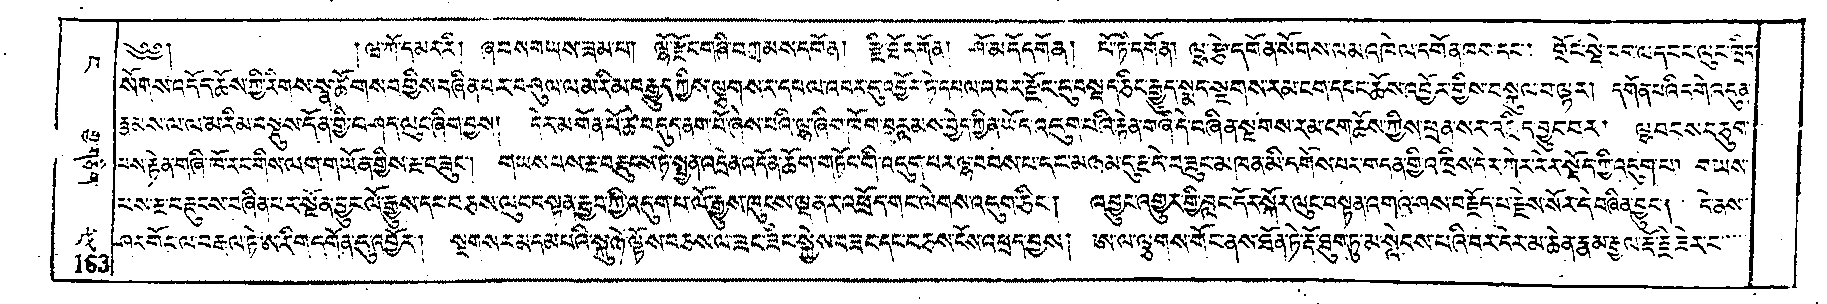༄༅། །ཝ་ཀོ་དམར་རི། ཞབས་གཡས་ཟམ་པ། ལྷོ་རྫོང་གཞི་བཀྲམས་དགོན། རྫི་ཐོ་དགོན། ཤོ་མདོ་དགོན། པོ་ཏི་དགོན། ལྷ་རྩེ་དགོན་སོགས་ལམ་འཁེལ་དགོན་ཁག་དང་། གྲོང་སྡེ་ཁག་ལ་དབང་ལུང་ཁྲིད་
སོགས་འདོད་ཆོས་ཀྱི་རིགས་སྣ་ཚོགས་བགྱིས་བཞིན་པར་བཤུལ་ལམ་རིམ་བརྒྱུད་ཀྱིས་ལྕགས་ར་དཔལ་འབར་དུ་འབྱོར་ཏེ་དཔལ་འབར་རྫོང་དུ་བསྡད་ཅིང་རྒྱུད་སྨད་སྔགས་རམ་ངག་དབང་ཆོས་འབྱོར་གྱིས་བསྐུལ་བ་ལྟར། དགོན་པའི་དགེ་འདུན་
རྣམས་ལ་ལམ་རིམ་བསྡུས་དོན་གྱི་བཤད་ལུང་ཞིག་བྱས། དེར་མགོན་པོ་ཚེ་བདུད་ནག་པོ་ཞེས་པའི་ལྷ་ཞིག་ཁོག་བརླམས་བྱེད་ཀྱིན་ཡོད་འདུག་པའི་རྟེན་གཞི་དེ་བཞིན་སྔགས་རམ་ངག་ཆོས་ཀྱིས་ཕྲན་སར་འཁྲིད་བྱུང་བར། ལྷ་བབས་བཅུག་
པས་རྟེན་གཞི་ཁོ་རང་གིས་ལག་གཡོན་གྱིས་རྔ་བཟུང་། གཡས་པས་རྔ་བརྡུངས་ཏེ་སྤྱན་འདྲེན་འདོན་ཆོག་གཏོང་གི་འདུག་པར་ལྷ་བབས་པ་དང་མཉམ་དུ་རྔ་དེ་བཟུང་མཁན་མི་དགོས་པར་གདན་གྱི་འཁྲིས་དེར་ཀེར་རེར་སྡོད་ཀྱི་འདུག་པ། གཡས་
པས་རྔ་བརྡུངས་བཞིན་པར་སྔོན་བྱུང་ལོ་རྒྱུས་དང་བཅས་ལུང་བསྟན་རྒྱབ་ཀྱི་འདུག་པ་ལོ་རྒྱུས་ཁུངས་ལྡན་ར་འཕྲོད་གང་ལེགས་འདུག་ཅིང་། འབྱུང་འགྱུར་གྱི་བླང་དོར་སྐོར་ལུང་བསྟན་འགའ་ཤས་བརྗོད་པ་རྗེས་སོར་དེ་བཞིན་བྱུང་། དེ་ནས་
ཤར་གོང་ལ་བརྒལ་ཏེ་ཨ་རིག་དགོན་དུ་འབྱོར། སྔགས་རམ་དམ་པའི་སྐུ་ཉེ་ལྟོས་བཅས་ལ་ཟང་ཟིང་སྐྱེས་བཟང་དང་བཅས་ངོས་འཕྲད་བྱས། ཨ་ལ་ལྕགས་གོང་ནས་ཐོན་ཏེ་རྡོ་ཐུག་ཏུ་མ་སླེབས་པའི་བར་དེར་མ་ཆེན་རྣམ་རྒྱལ་རྡོ་རྗེ་ཟེར་བ་